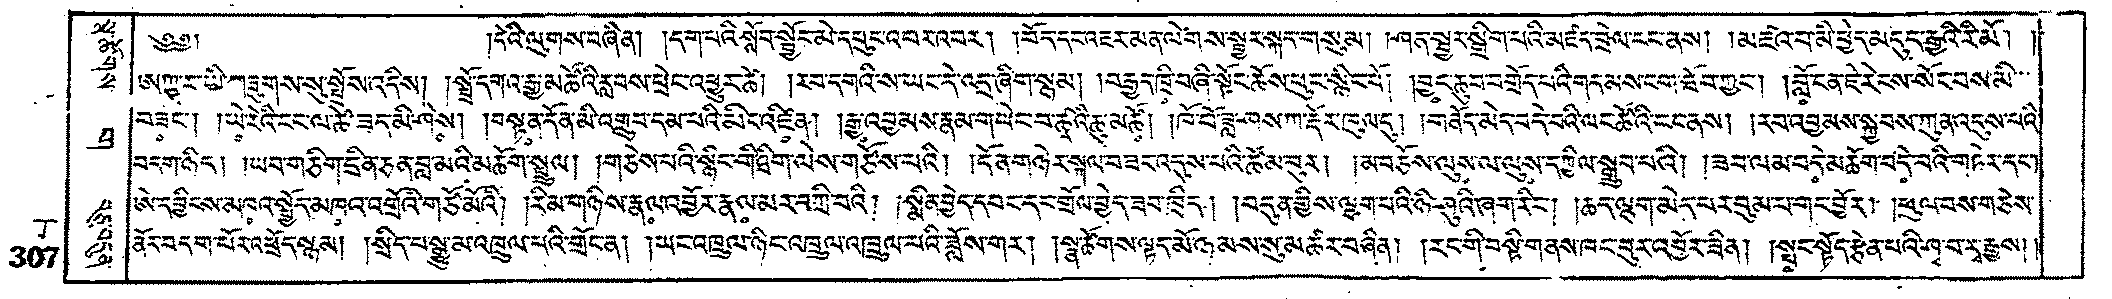༄༅། །དེའི་ལུགས་བཞིན། །དག་པའི་སློབ་སྦྱོང་མེ་དཔུང་འབར་འབར། །བོད་དང་འཇར་མན་ལེགས་སྦྱར་སྐད་གསུམ། །ཤན་སྦྱར་སྒྲིག་པའི་མཛད་བྲེལ་ངང་ནས། །མཛའ་བ་མི་ཕྱེད་མདུད་རྒྱའི་རི་མོ། །
ཨཀྵ་ར་ཡི་གཟུགས་སུ་སྤྲོས་འདིས། །སྤྲོ་དགའ་རྒྱ་མཚོའི་རླབས་ཕྲེང་འཕྱུར་ཚེ། །རབ་དགའི་ས་ཡང་དེ་འདྲ་ཞིག་སྙམ། །བརྒྱད་ཁྲི྾་བཞི་སྟོང་ཆོས་ཕུང་སྙིང་པོ། །བྱང྾་ཆུབ་བགྲོད་པའི྾་གདམས་ངག་ཐོབ་ཀྱང་། །བློ྾་ངན་ཇི་རེངས་སོང་བས་མི་་་
བཟང྾། །ཡེ྾་རེའི་ངང་ལ་ཚེ་ཟད་མི་ཤེས྾། །བསྟན྾་དོན་མི་འགྲུབ་དམ་པའི་མིང་འཛིན྾། །རྒྱ྾་འབྱམས་རྣམ་གཡེང་བ་ཚྭའི་ཆུ་མཚོ྾། །ཁོ་བོ་ཟླ་ཤས་ཀ་རྡོར་ཁུལ་དུ། །གནོད་མེད་བདེ་བའི་ལང་ཚོའི་ངང་ནས། །རབ་འབྱམས་སྐྱབས་ཀུན་འདུས་པའི་
བདག་ཉིད། །ཡབ་གཅིག་དྲིན་ཅན་བླ་མའི་མཆོག་སྤྲུལ། །གཅེས་པའི་སྙིང་གི་ཐིག་ལེས་གཙོས་པའི། །དོན་གཉེར་སྐལ་བཟང་འདུས་པའི་ཚོམ་བུར། །མ་བཅོས་ལུས྾་ལ་ལུས྾་དཀྱིལ་སྒྲུབ་པའི། །ཟབ་ལམ་བདེ྾་མཆོག་བདེ྾་བའི་གཏེར་དང་།
ཨེ་དབྱིངས་མཁའ྾་སྤྱོད་མཁའ྾་འགྲོའི་གཙོ་མོའི། །རིམ་གཉིས་རྣལ྾་འབྱོར་རྣལ྾་མར་བཀྲི་བའི། །སྨིན་བྱེད་དབང་དང་གྲོལ་བྱེད་ཟབ་ཁྲིད། །བདུན་གྱིས་ལྷག་པའི་ཉི་ཤུའི་ཞག་རིང་། །ཆད་ལྷག་མེད་པར་བུམ་པ་གང་བྱོར། །ཕུལ་བས་གཅེས་
ནོར་བདག་པོར་འཕྲོད་སྙམ། །སྲིད་པ་སྒྱུ་མ་འཁྲུལ་པའི་གྲོང་ན། །ཡང་འཁྲུལ་ཉིང་འཁྲུལ་འཁྲུལ་པའི་ཟློས་གར། །སྣ་ཚོགས་ལྟད་མོ་ཉམས་སུ་མཚར་བཞིན། །རང་གི་བསྟི་གནས་ཁང་བུར་འབྱོར་ཟིན། །སྤང྾་སྟོད་རྩེན་པའི་ཤྭ་བ་རྭ་རྒྱས། །